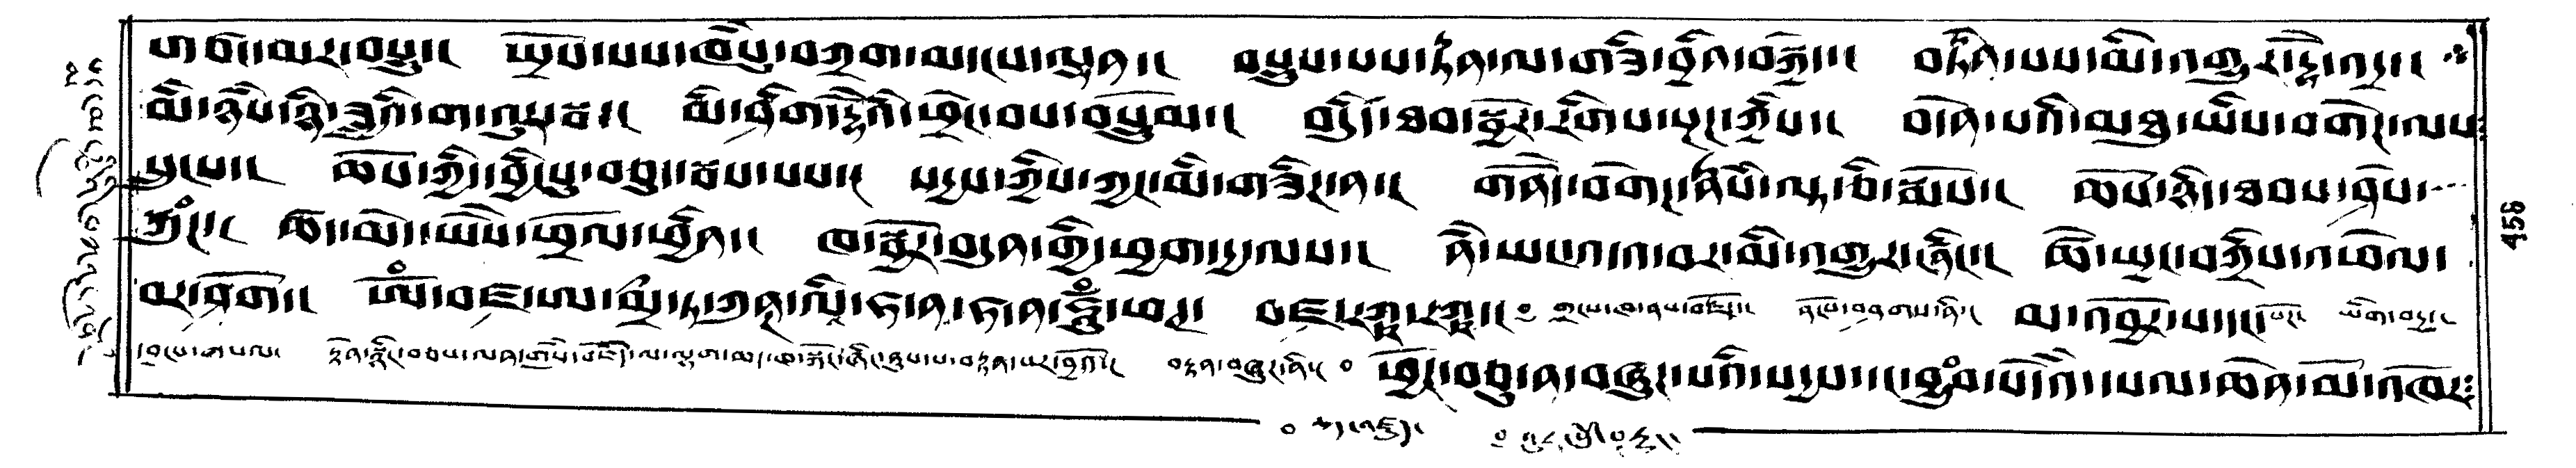གཙང་མར་བསྡུ། །སྤྲོས་པས་ཁམས་གསུམ་བཀྲག་མདངས་ལྡན། །བསྡུས་པས་རྟེན་ལ་གཟི་བྱིན་བསྐྱེད། །བརྟན་པས་མི་འགྱུར་རྡོ་རྗེ་འདྲ། །
མི་ཉམས་ཉི་ཟླའི་ག་འུར་སྦ། མི་ཤིགས་རྡོ་རྗེའི་ཕྲེང་བས་བསྡོམས། །བདུད་རྩི་ཐབས་སྦྱོར་རིགས་སྔགས་ཀྱིས། །བདེན་པའི་མཐུ་ཡིས་བགེགས་ལས་
སྲུངས། །ཆོས་ཀྱི་དབྱིངས་སུ་བཅུད་སྦས་པས། །སངས་རྒྱས་ཀྱིས་ཀྱང་མི་གཟིགས་ན། གནོད་བྱེད་བགེགས་རྣམས་ལྟ་ཅི་སྨོས། །ཆོས་ཉིད་ཐབས་ཤེས་
སྐུ་གསུང་ཐུགས། །ཚད་མེད་ཡེ་ཤེས་ཕ་རོལ་པྱིན། །ཁ་སྦྱོར་བདུན་གྱི་ཕྱག་རྒྱ་ལས། །ནམ་གཡང་འདའ་བར་མི་འགྱུར་ཞིང་། །ཚེ་གཡང་བཀྲ་ཤིས་འཕེལ་
བར་ཤོག །ཨོཾ་བཛྲ་ཨ་མྲྀ་ཏ་ཀུནྜ་ལཱི་ཧ་ན་ཧ་ན་ཧཱུྃ་ཕཊ། བཛྲ་རཀྵ་རཀྵ། གྲངས་ཁ་ཤས་བརྗོད། །ནོངས་བཤགས་ནི། མ་འབྱོར་པ་དང་སོགས། །ཡིག་བརྒྱ་
དབྱངས་གསལ། །རྟེན་སྙིང་བཅས་ལན་གསུམ་བརྗོད་ལ་ལྷག་ཆད་ཁ་སྐོང་ཞིང་ནུས་པ་བརྟན་པར་བྱའོ།། བརྟན་བཞུགས་ནི། ཕྱོགས་བཅུ་ན་བཞུགས་པའི་སངས་རྒྱས་དང་བྱང་ཆུབ་སེམས་དཔའ་དཔལ་ཆེན་མོ་འཁོར་